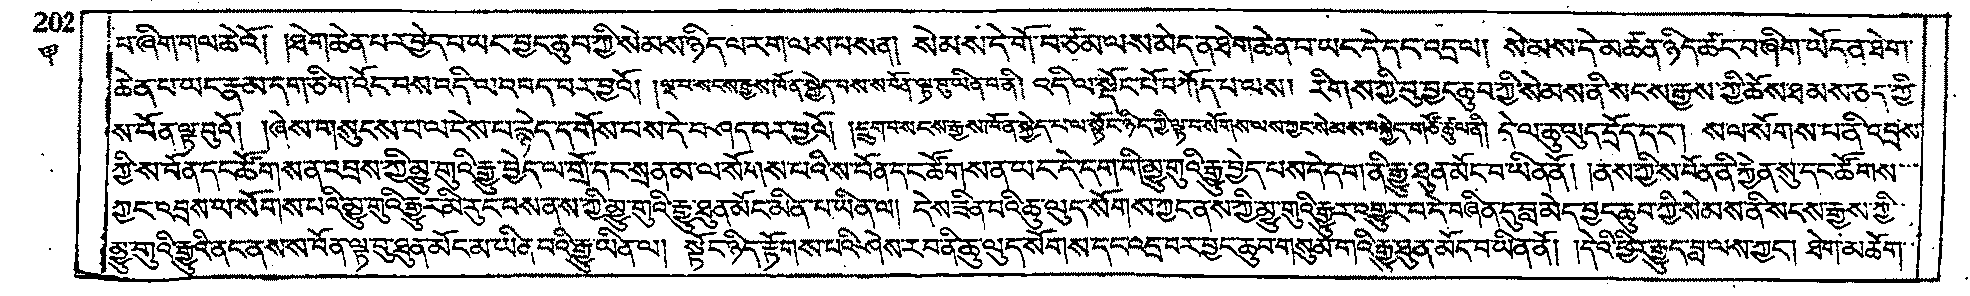པ་ཞིག་གལ་ཆེའོ། །ཐེག་ཆེན་པར་བྱེད་པ་ཡང་བྱང་ཆུབ་ཀྱི་སེམས་ཉིད་ལ་རག་ལས་པས་ན། སེམས་དེ་གོ་བ་ཙམ་ལས་མེད་ན་ཐེག་ཆེན་པ་ཡང་དེ་དང་འདྲ་ལ། སེམས་དེ་མཚན་ཉིད་ཚང་བ་ཞིག་ཡོད་ན་ཐེག་
ཆེན་པ་ཡང་རྣམ་དག་ཅིག་འོང་བས་འདི་ལ་འབད་པར་བྱའོ། །ལྔ་པ་སངས་རྒྱས་ཁོ་ན་སྐྱེད་པས་ས་བོན་ལྟ་བུ་ཡིན་པ་ནི།  འདི་ལ་སྡོང་པོ་བཀོད་པ་ལས། རིགས་ཀྱི་བུ་བྱང་ཆུབ་ཀྱི་སེམས་ནི་སངས་རྒྱས་ཀྱི་ཆོས་ཐམས་ཅད་ཀྱི་
ས་བོན་ལྟ་བུའོ། །ཞེས་གསུངས་པ་ལ་ངེས་པ་རྙེད་དགོས་པས་དེ་བཤད་པར་བྱའོ། །དྲུག་པ་སངས་རྒྱས་ཁོ་ན་སྐྱེད་པ་ལ་སྟོང་ཉིད་ཀྱི་ལྟ་བ་སོགས་ལས་ཀྱང་སེམས་བསྐྱེད་གཙོ་ཚུལ་ནི།  དེ་ལ་ཆུ་ལུད་དྲོད་དང་། ས་ལ་སོགས་པ་ནི་འབྲས་
ཀྱི་ས་བོན་དང་ཚོགས་ན་འབྲས་ཀྱི་མྱུ་གུའི་རྒྱུ་བྱེད་ལ་གྲོ་དང་སྲན་མ་ལ་སོགས་པའི་ས་བོན་དང་ཚོགས་ན་ཡང་དེ་དག་གི་མྱུ་གུའི་རྒྱུ་བྱེད་པས་དེ་དག་ནི་རྒྱུ་ཐུན་མོང་བ་ཡིན་ནོ། །ནས་ཀྱི་ས་བོན་ནི་རྐྱེན་སུ་དང་ཚོགས་
ཀྱང་འབྲས་ལ་སོགས་པའི་མྱུ་གུའི་རྒྱུར་མི་རུང་བས་ནས་ཀྱི་མྱུ་གུའི་རྒྱུ་ཐུན་མོང་མིན་པ་ཡིན་ལ། དེས་ཟིན་པའི་ཆུ་ལུད་སོགས་ཀྱང་ནས་ཀྱི་མྱུ་གུའི་རྒྱུར་འགྱུར་བ་དེ་བཞིན་དུ་བླ་མེད་བྱང་ཆུབ་ཀྱི་སེམས་ནི་སངས་རྒྱས་ཀྱི་
མྱུ་གུའི་རྒྱུའི་ནང་ནས་ས་བོན་ལྟ་བུ་ཐུན་མོང་མ་ཡིན་པའི་རྒྱུ་ཡིན་ལ། སྟོང་ཉིད་རྟོགས་པའི་ཤེས་རབ་ནི་ཆུ་ལུད་སོགས་དང་འདྲ་བར་བྱང་ཆུབ་གསུམ་གའི་རྒྱུ་ཐུན་མོང་བ་ཡིན་ནོ། །དེའི་ཕྱིར་རྒྱུད་བླ་ལས་ཀྱང་། ཐེག་མཆོག་